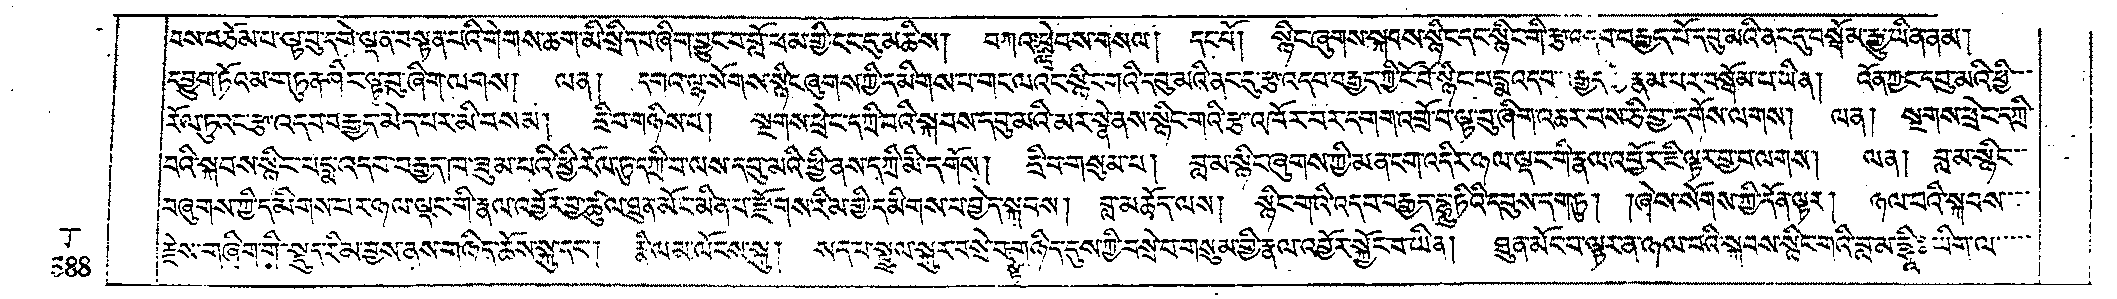བས་བཅོམ་པ་ལྟ་བུ་དགེ་ལྡན་བསྟན་པའི་གེགས་ཆག་མི་སྲིད་པ་ཞིག་བྱུང་བ་བློ་ཕམ་གྱི་ངང་དུ་མཆིས། བཀའ་འདྲི་ཕེབས་གསལ། དང་པོ། སྙིང་ཞུགས་སྐབས་སྙིང་དང་སྙིང་གི་རྩ་འདབ་བརྒྱད་པོ་དབུ་མའི་ནང་དུ་བསྒོམ་རྒྱུ་ཡིན་ནམ།
དབྱུག་ཏོའམ་གཏུན་ཤིང་ལྟ་བུ་ཞིག་ལགས། ལན། དགའ་ལྷ་སོགས་སྙིང་ཞུགས་ཀྱི་དམིགས་པ་གང་ལའང་སྙིང་གའི་དབུ་མའི་ནང་དུ་རྩ་འདབ་བརྒྱད་ཀྱི་ངོ་བོ་སྙིང་པདམ་འདབ་བརྒྱད་ཀྱི་རྣམ་པར་བསྒོམ་པ་ཡིན། འོན་ཀྱང་དབུ་མའི་ཕྱི་་་
རོལ་ཏུའང་རྩ་འདབ་བརྒྱད་མེད་པར་མི་བསམ། དྲི་བ་གཉིས་པ། སྔགས་ཕྲེང་དཀྲི་བའི་སྐབས་དབུ་མའི་མར་སྣེ་ནས་སྙིང་གའི་རྩ་འཁོར་བར་དགག་འགྲོ་བ་ལྟ་བུ་ཞིག་འཆར་བས་ཅི་བྱ་དགོས་ལགས། ལན། སྔགས་ཕྲེང་དཀྲི་
བའི་སྐབས་སྙིང་པདམ་འདབ་བརྒྱད་ཁ་ཟུམ་པའི་ཕྱི་རོལ་ཏུ་དཀྲི་བ་ལས་དབུ་མའི་ཕྱི་ནས་དཀྲི་མི་དགོས། དྲི་བ་གསུམ་པ། བླ་མ་སྙིང་ཞུགས་ཀྱི་མན་ངག་འདིར་ཉལ་ལྡང་གི་རྣལ་འབྱོར་ཇི་ལྟར་བྱ་བ་ལགས། ལན། བླ་མ་སྙིང་་་
བཞུགས་ཀྱི་དམིགས་པར་ཉལ་ལྡང་གི་རྣལ་འབྱོར་བྱ་ཚུལ་ཐུན་མོང་མིན་པ་རྫོགས་རིམ་གྱི་དམིགས་པ་བྱེད་སྐབས། བླ་མཆོད་ལས། སྙིང་གའི་འདབ་བརྒྱད་དྷཱུ་ཏིའི་དབུས་དག་ཏུ། །ཞེས་སོགས་ཀྱི་དོན་ལྟར། ཉལ་བའི་སྐབས་་་
རྗེས་གཞིག་གི་སྡུད་རིམ་བྱས་ནས་གཉིད་ཆོས་སྐུ་དང་། རྨི་ལམ་ལོངས་སྐུ། སད་པ་སྤྲུལ་སྐུར་བསྲེ་བ་སྟེ་གཉིད་དུས་ཀྱི་བསྲེ་བ་གསུམ་གྱི་རྣལ་འབྱོར་སྐྱོང་བ་ཡིན། ཐུན་མོང་བ་ལྟར་ན་ཉལ་བའི་སྐབས་སྙིང་གའི་བླ་མ་དྷཱིཿ ཡིག་ལ་་་